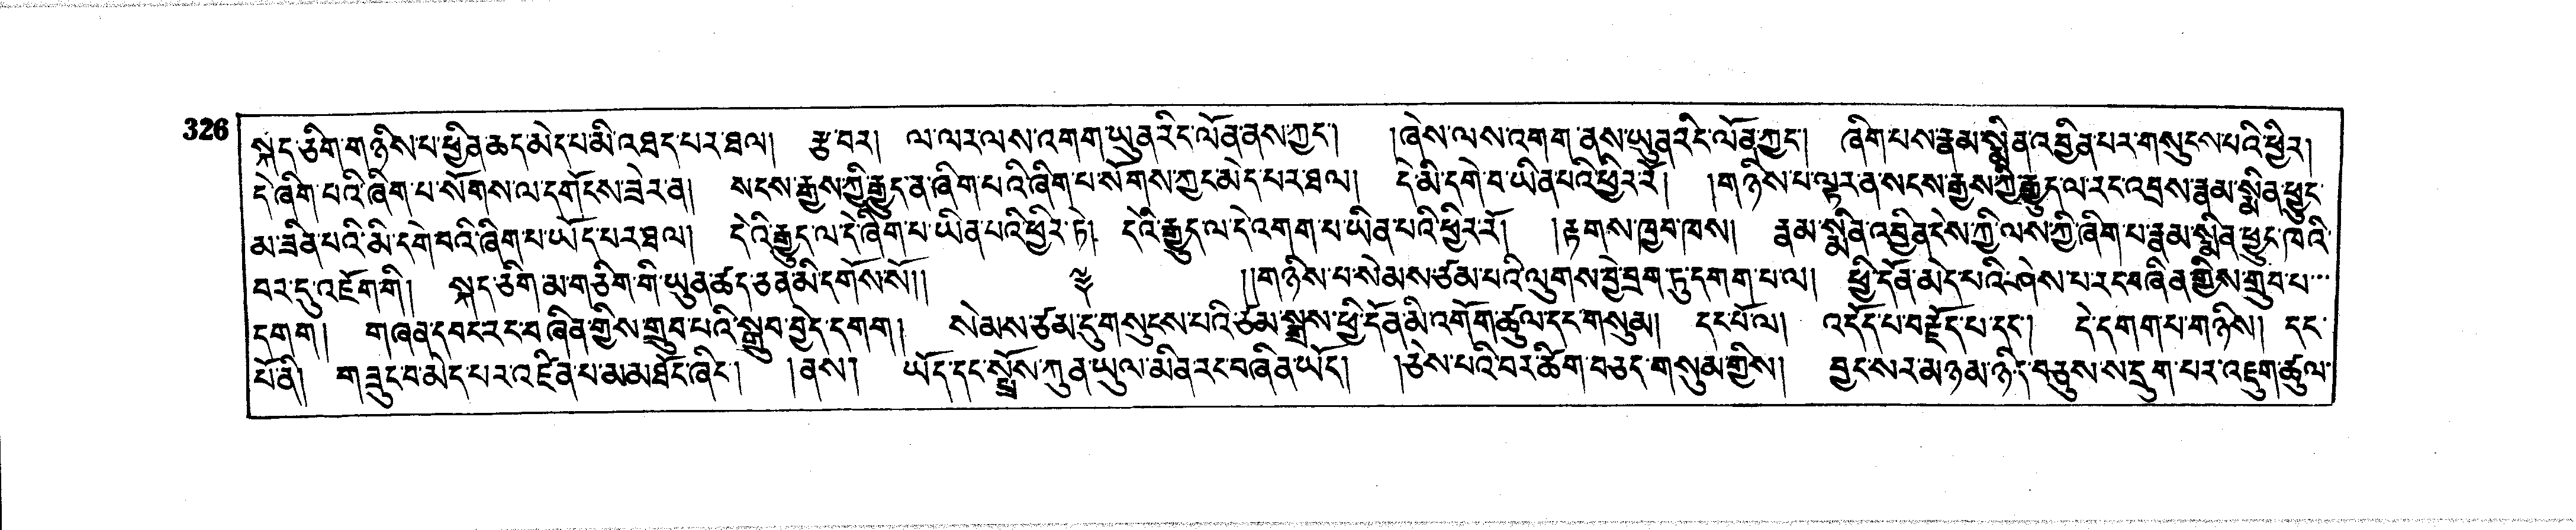སྐད་ཅིག་གཉིས་པ་ཕྱིན་ཆད་མེད་པ་མི་འཐད་པར་ཐལ། རྩ་བར། ལ་ལར་ལས་འགག་ཡུན་རིང་ལོན་ནས་ཀྱང་། །ཞེས་ལས་འགག་ནས་ཡུན་རིང་ལོན་ཀྱང་། ཞིག་པས་རྣམ་སྨིན་འབྱིན་པར་གསུངས་པའི་ཕྱིར།
དེ་ཞིག་པའི་ཞིག་པ་སོགས་ལ་དགོངས་ཟེར་ན། སངས་རྒྱས་ཀྱི་རྒྱུད་ན་ཞིག་པའི་ཞིག་པ་སོགས་ཀྱང་མེད་པར་ཐལ། དེ་མི་དགེ་བ་ཡིན་པའི་ཕྱིར་རོ། །གཉིས་པ་ལྟར་ན་སངས་རྒྱས་ཀྱི་རྒྱུད་ལ་རང་འབྲས་རྣམ་སྨིན་ཕྱུང་
མ་ཟིན་པའི་མི་དགེ་བའི་ཞིག་པ་ཡོད་པར་ཐལ། དེའི་རྒྱུད་ལ་དེ་ཞིག་པ་ཡིན་པའི་ཕྱིར་ཏེ། དེའི་རྒྱུད་ལ་དེ་འགག་པ་ཡིན་པའི་ཕྱིར་རོ། །རྟགས་ཁྱབ་ཁས། རྣམ་སྨིན་འབྱིན་ངེས་ཀྱི་ལས་ཀྱི་ཞིག་པ་རྣམ་སྨིན་ཕྱུང་ཁའི་
བར་དུ་འཇོག་གི །སྐད་ཅིག་མ་གཅིག་གི་ཡུན་ཚད་ཅན་མི་དགོས་སོ།། ༈ །།གཉིས་པ་སེམས་ཙམ་པའི་ལུགས་བྱེ་བྲག་ཏུ་དགག་པ་ལ། ཕྱི་དོན་མེད་པའི་ཤེས་པ་རང་བཞིན་གྱིས་གྲུབ་པ་
དགག །གཞན་དབང་རང་བཞིན་གྱིས་གྲུབ་པའི་སྒྲུབ་བྱེད་དགག །སེམས་ཙམ་དུ་གསུངས་པའི་ཙམ་སྒྲས་ཕྱི་དོན་མི་འགོག་ཚུལ་དང་གསུམ། དང་པོ་ལ། འདོད་པ་བརྗོད་པ་དང་། དེ་དགག་པ་གཉིས། དང་
པོ་ནི། གཟུང་བ་མེད་པར་འཛིན་པ་མ་མཐོང་ཞིང་། །ནས། ཡོད་དང་སྤྲོས་ཀུན་ཡུལ་མིན་རང་བཞིན་ཡོད། །ཅེས་པའི་བར་ཚིག་བཅད་གསུམ་གྱིས། བྱང་སར་མཉམ་ཉིད་བཅུས་ས་དྲུག་པར་འཇུག་ཚུལ་